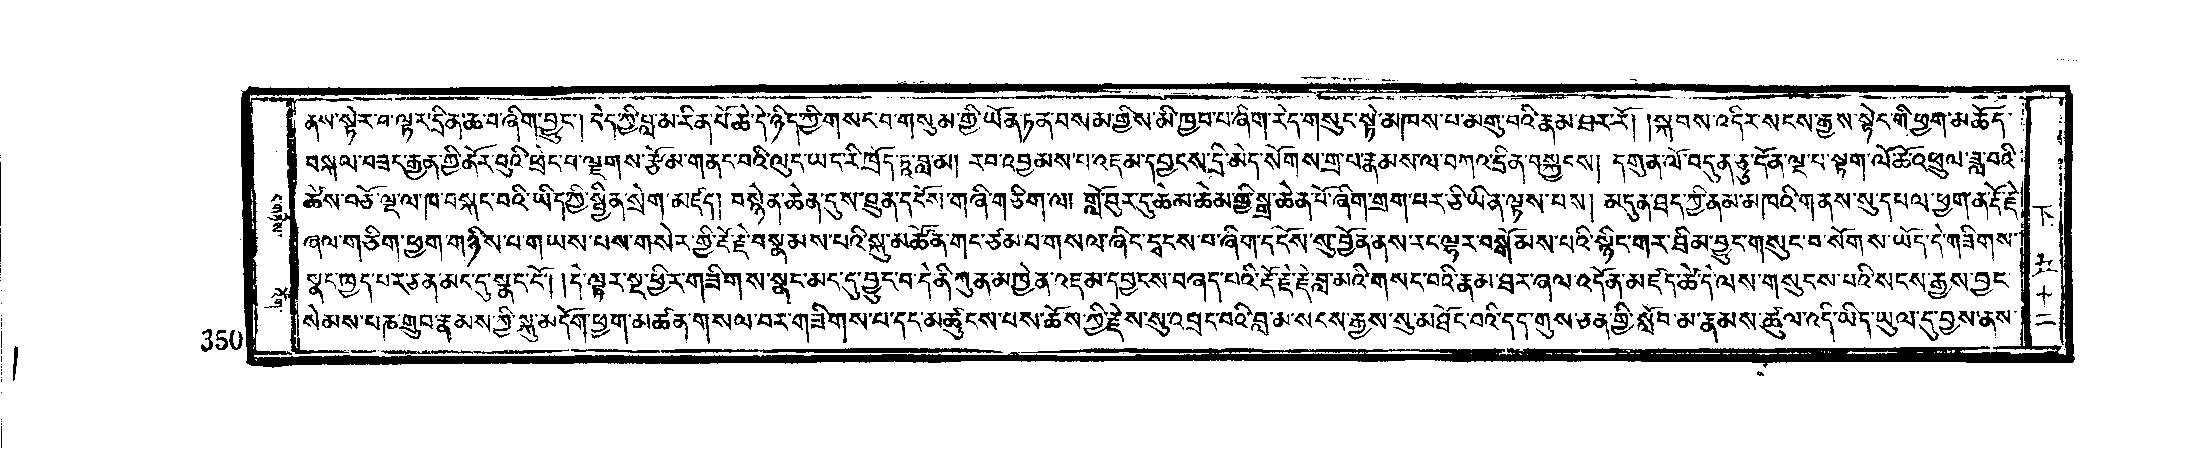ནས་སྟེར་བ་ལྟར་དྲིན་ཆ་བ་ཞིག་བྱུང་། ངེད་ཀྱི་བླ་མ་རིན་པོ་ཆེ་དེ་ཉིད་ཀྱི་གསང་བ་གསུམ་གྱི་ཡོན་ཏན་བསམ་གྱིས་མི་ཁྱབ་པ་ཞིག་རེད་གསུང་སྟེ་མཁས་པ་མགུ་བའི་རྣམ་ཐར་རོ། །སྐབས་འདིར་སངས་རྒྱས་སྟེང་གི་ཕྱག་མཆོད་
བསྐལ་བཟང་རྒྱན་གྱི་ནོར་བུའི་ཕྲེང་བ་ལྗགས་རྩོམ་གནང་བའི་ལུང་ཡང་རི་ཁྲོད་ཏཱ་བླ་མ། རབ་འབྱམས་པ་འཇམ་དབྱངས་དྲི་མེད་སོགས་གྲ་པ་རྣམས་ལ་བཀའ་དྲིན་བསྐྱངས། དགུན་ལོ་བདུན་ཅུ་དོན་ལྔ་པ་སྟག་ལོ་ཆོ་འཕྲུལ་ཟླ་བའི་
ཚེས་བཅོ་ལྔ་ལ་ཁ་བསྐང་བའི་ཡིད་ཀྱི་སྦྱིན་སྲེག་མཛད། བསྙེན་ཆེན་དུས་ཐུན་དངོས་གཞི་གཅིག་ལ། གློ་བུར་དུ་ཆེམ་ཆེམ་གྱི་སྒྲ་ཆེན་པོ་ཞིག་གྲག་པར་ཅི་ཡིན་ལྟས་པས། མདུན་ཐད་ཀྱི་ནམ་མཁའི་གནས་སུ་དཔལ་ཕྱག་ན་རྡོ་རྗེ་
ཞལ་གཅིག་ཕྱག་གཉིས་པ་གཡས་པས་གསེར་གྱི་རྡོ་རྗེ་བསྣམས་པའི་སྐུ་མཚོན་གང་ཙམ་པ་གསལ་ཞིང་དྭངས་པ་ཞིག་དངོས་སུ་བྱོན་ནས་རང་ལྷར་བསྒོམས་པའི་སྙིང་གར་ཐིམ་བྱུང་གསུང་བ་སོགས་ཡོད་དེ་གཟིགས་
སྣང་ཁྱད་པར་ཅན་མང་དུ་སྣང་ངོ། །དེ་ལྟར་སྔ་ཕྱིར་གཟིགས་སྣང་མང་དུ་བྱུང་བ་དེ་ནི་ཀུན་མཁྱེན་འཇམ་དབྱངས་བཞད་པའི་རྡོ་རྗེ་རྗེ་བླ་མའི་གསང་བའི་རྣམ་ཐར་ཞལ་འདོན་མཛད་ཚེ་དེ་ལས་གསུངས་པའི་སངས་རྒྱས་བྱང་
སེམས་པཎ་གྲུབ་རྣམས་ཀྱི་སྐུ་མདོག་ཕྱག་མཚན་གསལ་བར་གཟིགས་པ་དང་མཚུངས་པས་ཆོས་ཀྱི་རྗེས་སུ་འབྲང་བའི་བླ་མ་སངས་རྒྱས་སུ་མཐོང་བའི་དད་གུས་ཅན་གྱི་སློབ་མ་རྣམས་ཚུལ་འདི་ཡིད་ཡུལ་དུ་བྱས་ནས་